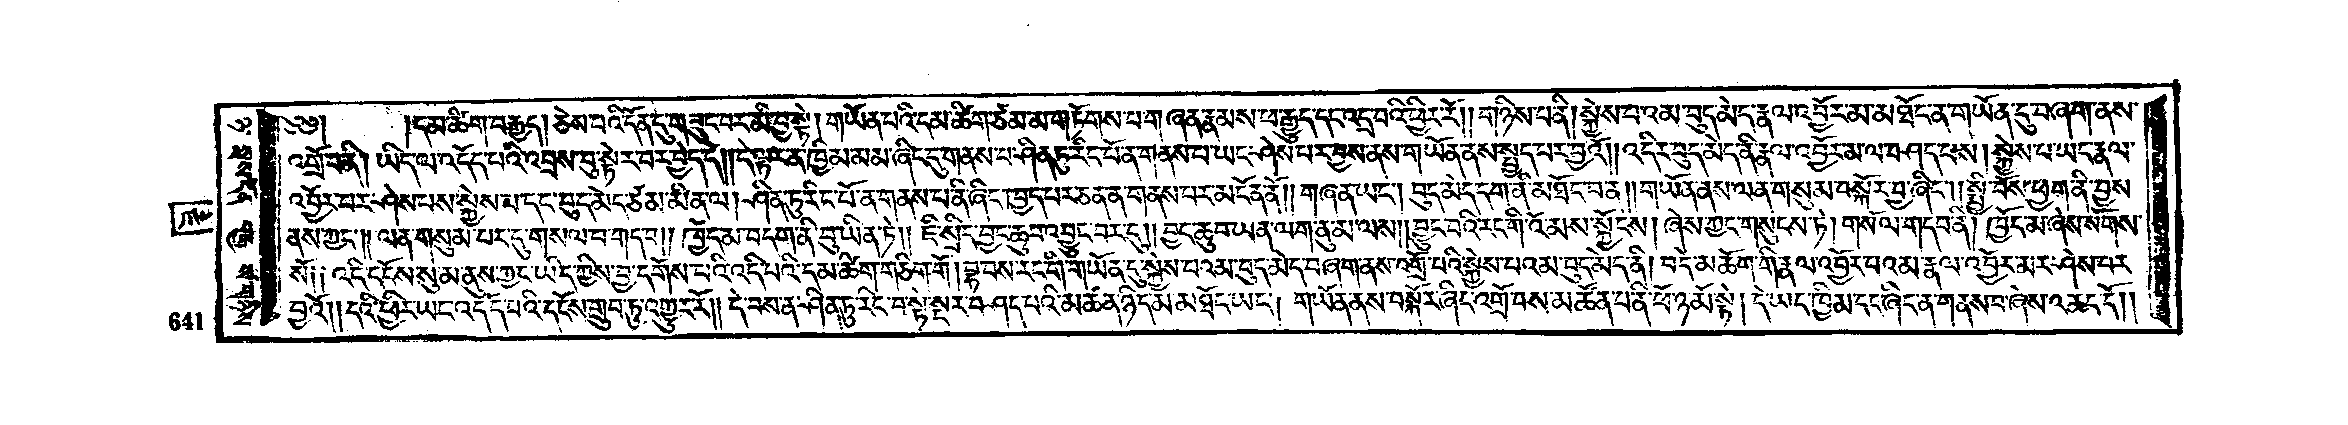༄༅། །དམ་ཚིག་བརྒྱད། ཅེས་པའི་དོན་དུ་གཟུང་བར་མི་བྱ་སྟེ། གཡོན་པའི་དམ་ཚིག་ཙམ་མ་གཏོགས་པ་གཞན་རྣམས་ཕ་རྒྱུད་དང་འདྲ་བའི་ཕྱིར་རོ། །གཉིས་པ་ནི། སྐྱེས་པའམ་བུད་མེད་རྣལ་འབྱོར་མ་མཐོང་ན་གཡོན་དུ་བཞག་ནས་
འགྲོ་བ་ནི། ཡིད་ལ་འདོད་པའི་འབྲས་བུ་སྟེར་བར་བྱེད་དོ། །དེ་ལྟར་ན་ཁྱིམ་མམ་ཞིང་དུ་གནས་པ་ཤིན་ཏུ་རིང་པོ་ན་གནས་པ་ཡང་ཤེས་པར་བྱས་ནས་གཡོན་ནས་སྤྱད་པར་བྱའོ། །འདིར་བུད་མེད་ནི་རྣལ་འབྱོར་མ་ལ་བཤད་པས། སྐྱེས་པ་ཡང་རྣལ་
འབྱོར་པར་ཤེས་པས་སྐྱེས་པ་དང་བུད་མེད་ཙམ་མིན་ལ། ཤིན་ཏུ་རིང་པོ་ན་གནས་པ་ནི་ཞིང་ཁྱད་པར་ཅན་ན་གནས་པར་མངོན་ནོ། །གཞན་ཡང་། བུད་མེད་དག་ནི་མཐོང་བ་ན། །གཡོན་ནས་ལན་གསུམ་བསྐོར་བྱ་ཞིང་། །སྤྱི་བོས་ཕྱག་ནི་བྱས་
ནས་ཀྱང་། །ལན་གསུམ་པར་དུ་གསལ་བ་གདབ། །ཁྱོད་མ་བདག་ནི་བུ་ཡིན་ཏེ། །ཇི་སྲིད་བྱང་ཆུབ་འབྱུང་བར་དུ། །བྱང་ཆུབ་ཡན་ལག་ནུ་མ་ལས། །བྱུང་བའི་རང་གི་འོ་མས་སྐྱོངས། ཞེས་ཀྱང་གསུངས་ཏེ། གསོལ་གདབ་ནི། ཁྱོད་མ་ཞེས་སོགས་
སོ། །འདི་དངོས་སུ་མ་ནུས་ཀྱང་ཡིད་ཀྱིས་བྱ་དགོས་པའི་འདི་པའི་དམ་ཚིག་གཅིག་གོ །བྷ་བས་རང་གི་གཡོན་དུ་སྐྱེས་པའམ་བུད་མེད་བཞག་ནས་འགྲོ་པའི་སྐྱེས་པའམ་བུད་མེད་ནི། བདེ་མཆོག་གི་རྣལ་འབྱོར་པའམ་རྣལ་འབྱོར་མར་ཤེས་པར་
བྱའོ། །དེའི་ཕྱིར་ཡང་འདོད་པའི་དངོས་གྲུབ་ཏུ་འགྱུར་རོ། །དེ་བས་ན་ཤིན་ཏུ་རིང་བ་སྟེ་སྔར་བཤད་པའི་མཚན་ཉིད་མ་མཐོང་ཡང་། གཡོན་ནས་བསྐོར་ཞིང་འགྲོ་བས་མཚོན་པ་ནི་ཕོ་ཉ་མོ་སྟེ། དེ་ཡང་ཁྱིམ་དང་ཞིང་ན་གནས་བ་ཞེས་འཆད་དོ། །